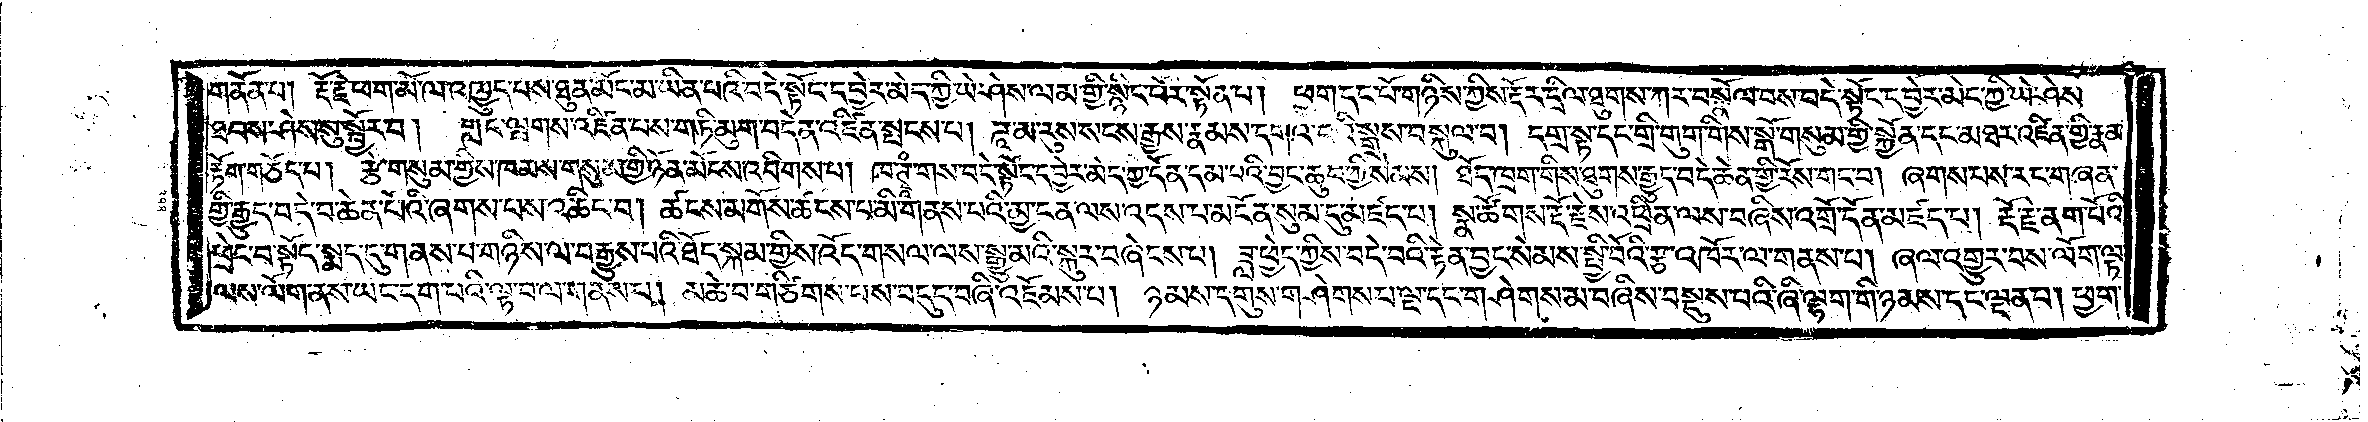གནོན་པ། རྡོ་རྗེ་ཕག་མོ་ལ་འཁྱུད་པས་ཐུན་མོང་མ་ཡིན་པའི་བདེ་སྟོང་དབྱེར་མེད་ཀྱི་ཡེ་ཤེས་ལམ་གྱི་སྙིང་པོར་སྟོན་པ། ཕྱག་དང་པོ་གཉིས་ཀྱིས་རྡོར་དྲིལ་ཐུགས་ཀར་བསྣོལ་བས་བདེ་སྟོང་དབྱེར་མེད་ཀྱི་ཡེ་ཤེས་
ཐབས་ཤེས་སུ་སྦྱོར་བ། གླང་ལྤགས་འཛིན་པས་གཏི་མུག་བདེན་འཛིན་སྤངས་པ། ཌཱ་མ་རུས་སངས་རྒྱས་རྣམས་དགའ་བའི་སྒྲས་བསྐུལ་བ། དགྲ་སྟ་དང་གྲི་གུག་གིས་སྒོ་གསུམ་གྱི་སྐྱོན་དང་མཐར་འཛིན་གྱི་རྣམ་
རྟོག་གཅོད་པ། རྩེ་གསུམ་གྱིས་ཁམས་གསུམ་གྱི་ཉོན་མོངས་འབིགས་པ། ཁ་ཊྭཱཾ་གས་བདེ་སྟོང་དབྱེར་མེད་ཀྱི་དོན་དམ་པའི་བྱང་ཆུབ་ཀྱི་སེམས། ཐོད་ཁྲག་གིས་ཐུགས་རྒྱུད་བདེ་ཆེན་གྱི་རོས་གང་བ། ཞགས་པས་རང་གཞན་
གྱི་རྒྱུད་བདེ་བ་ཆེན་པོའི་ཞགས་པས་འཆིང་བ། ཚངས་མགོས་ཚངས་པ་མི་གནས་པའི་མྱ་ངན་ལས་འདས་པ་མངོན་སུམ་དུ་མཛད་པ། སྣ་ཚོགས་རྡོ་རྗེས་འཕྲིན་ལས་བཞིས་འགྲོ་དོན་མཛད་པ། རྡོ་རྗེ་ནག་པོའི་
ཕྲེང་བ་སྟོད་སྨད་དུ་གནས་པ་གཉིས་ལ་བརྒྱུས་པའི་ཐོད་སྐམ་གྱིས་འོད་གསལ་ལས་སྒྱུ་མའི་སྒུར་བཞེངས་པ། ཟླ་ཕྱེད་ཀྱིས་བདེ་བའི་རྟེན་བྱང་སེམས་སྤྱི་བོའི་རྩ་འཁོར་ལ་གནས་པ། ཞལ་འགྱུར་བས་ལོག་ལྟ་
ལས་ལོག་ནས་ཡང་དག་པའི་ལྟ་བ་ལ་གནས་པ། མཆེ་བ་གཙིགས་པས་བདུད་བཞི་འཇོམས་པ། ཉམས་དགུས་གཤེགས་པ་ལྔ་དང་གཤེགས་མ་བཞིས་བསྡུས་པའི་ཞི་ལྷག་གི་ཉམས་དང་ལྡན་པ། ཕྱག་